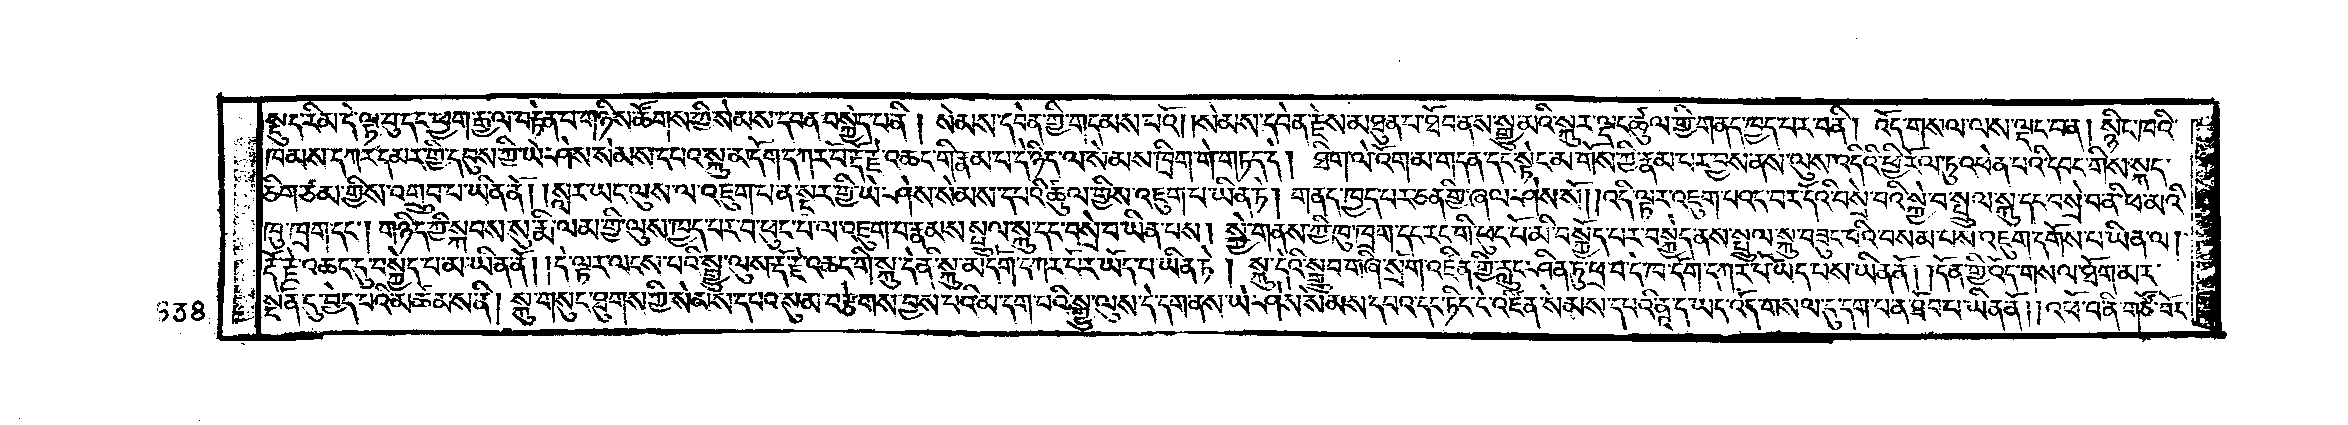སྡུད་རིམ་དེ་ལྟ་བུ་དང་ཕྱག་རྒྱ་ལ་བརྟེན་པ་གཉིས་ཚོགས་ཀྱི་སེམས་དབེན་བསྐྱེད་པ་ནི། སེམས་དབེན་གྱི་གདམས་པའོ། །སེམས་དབེན་རྗེས་མཐུན་པ་ཐོབ་ནས་སྒྱུ་མའི་སྐུར་ལྡང་ཚུལ་གྱི་གནད་ཁྱད་པར་བ་ནི། འོད་གསལ་ལས་ལྡང་བ་ན། སྙིང་ཁའི་
ཁམས་དཀར་དམར་གྱི་དབུས་ཀྱི་ཡེ་ཤེས་སེམས་དཔའ་སྐུ་མདོག་དཀར་པོ་རྡོ་རྗེ་འཆང་གི་རྣམ་པ་དེ་ཉིད་ལ་སེམས་ཁྲིག་གེ་གཏད་དེ། ཐིག་ལེ་འོག་མ་གདན་དང་སྟེང་མ་གོས་ཀྱི་རྣམ་པར་བྱས་ནས་ལུས་འདིའི་ཕྱི་རོལ་ཏུ་འཕེན་པའི་དབང་གིས་སྐད་
ཅིག་ཙམ་གྱིས་འགྲུབ་པ་ཡིན་ནོ། །སླར་ཡང་ལུས་ལ་འཇུག་པ་ན་སྔར་གྱི་ཡེ་ཤེས་སེམས་དཔའི་ཚུལ་གྱིས་འཇུག་པ་ཡིན་ཏེ། གནད་ཁྱད་པར་ཅན་གྱི་ཞལ་ཤེས་སོ། །འདི་ལྟར་འཇུག་པའང་བར་དོའི་བསྲེ་བའི་སྐྱེ་བ་སྤྲུལ་སྐུ་དང་བསྲེ་བ་ནི་ཕ་མའི་
ཁུ་ཁྲག་དང་། གཉིད་ཀྱི་སྐབས་སུ་རྨི་ལམ་གྱི་ལུས་ཁྱད་པར་བ་ཕུང་པོ་ལ་འཇུག་པ་རྣམས་སྤྲུལ་སྐུ་དང་བསྲེ་བ་ཡིན་པས། སྐྱེ་གནས་ཀྱི་ཁུ་ཁྲག་དང་རང་གི་ཕུང་པོ་མི་བསྐྱོད་པར་བསྐྱེད་ནས་སྤྲུལ་སྐུ་བཟུང་བའི་བསམ་པས་འཇུག་དགོས་པ་ཡིན་ལ།
རྡོ་རྗེ་འཆང་དུ་བསྐྱེད་པ་མ་ཡིན་ནོ། །དེ་ལྟར་ལངས་པའི་སྒྱུ་ལུས་རྡོ་རྗེ་འཆང་གི་སྐུ་དེ་ནི་སྐུ་མདོག་དཀར་པོར་ཡོད་པ་ཡིན་ཏེ། སྐུ་དེའི་སྒྲུབ་གཞི་སྲོག་འཛིན་གྱི་རླུང་ཤིན་ཏུ་ཕྲ་བ་དེ་ཁ་དོག་དཀར་པོ་ཡོད་པས་ཡིན་ནོ། །དོན་གྱི་འོད་གསལ་ཐོག་མར་
སྔོན་དུ་བྱེད་པའི་མཚམས་ནི། སྐུ་གསུང་ཐུགས་ཀྱི་སེམས་དཔའ་སུམ་བརྩེགས་བྱས་པའི་མ་དག་པའི་སྒྱུ་ལུས་དེ་དག་ནས་ཡེ་ཤེས་སེམས་དཔའ་དང་ཏིང་ངེ་འཛིན་སེམས་དཔའི་ནཱ་དེ་ཡང་འོད་གསལ་དུ་དག་པ་ན་ཐོབ་པ་ཡིན་ནོ། །འཕོ་བ་ནི་གཙོ་བོར་